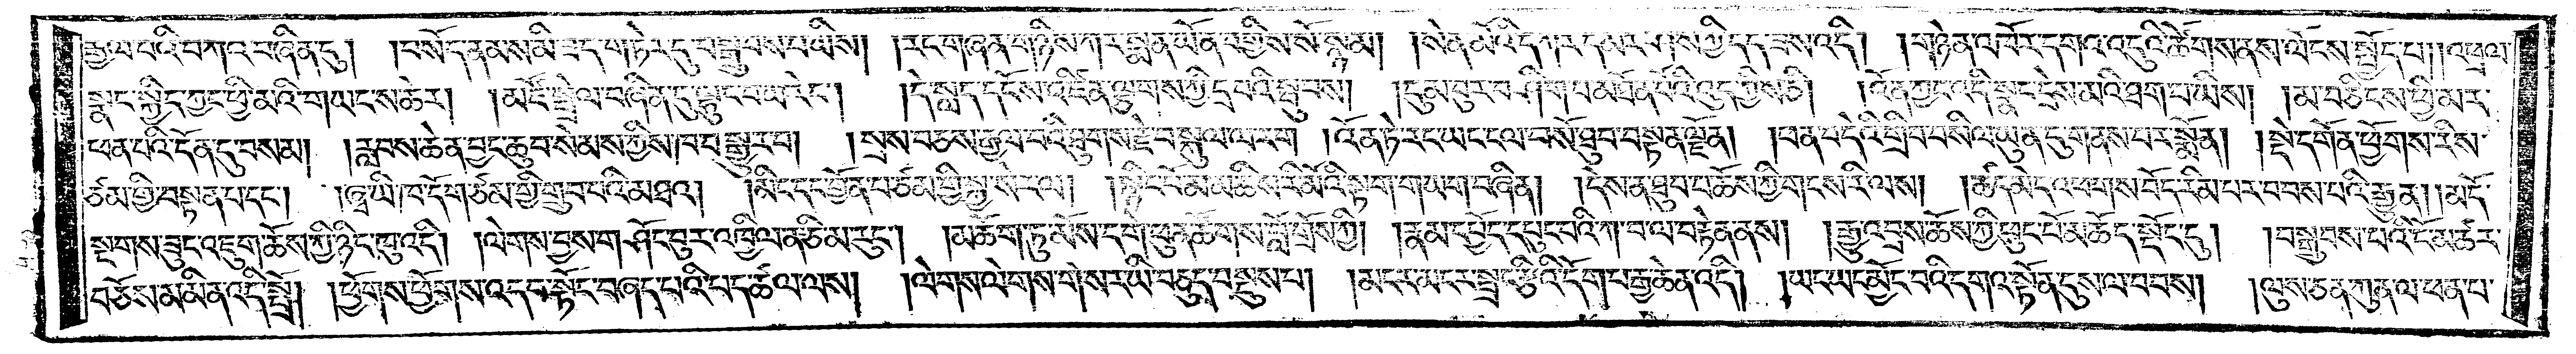རྒྱལ་བའི་བཀའ་བཞིན་དུ། །བསོད་ནམས་མི་ཟད་གཏེར་དུ་བསྒྲུབས་པ་ཡིས། །རང་གཞན་གཉིས་ཀར་སྨན་ཡོན་བགྱིས་སོ་སྙམ། །སེན་མོའི་དཀར་དམར་ཤས་ཀྱི་དད་ཟས་འདི། །གཉེན་འཁོར་དགའ་འདུའི་ཚོགས་ནས་ལོངས་སྤྱོད་པ། །འཕྲལ་
སྣང་སྐྱིད་ཀྱང་ཕྱི་མའི་གཡངས་ཆེར། །མཛོ་སྦྲེལ་བཞིན་དུ་ལྟུང་བ་ཡ་རེང་། །དེ་སླད་དངོས་འཛིན་ལྕགས་ཀྱི་དྲ་བའི་སྦུབས། །དུམ་བུར་བཤིག་པ་མཐོན་པོའི་འདུ་ཀྱིས་ཅི། །འོན་ཀྱང་འདི་སྣང་དྲེས་མའི་ཐག་པ་ཡིས། །མ་བཅིངས་ཕྱི་མར་
ཕན་པའི་དོན་དུ་བསམ། །རླབས་ཆེན་བྱང་ཆུབ་སེམས་ཀྱིས་ཁ་བསྒྱུར་བ། །སྲས་བཅས་རྒྱལ་བའི་ཐུགས་རྗེ་བསྐུལ་ལ་རག །འོན་ཏེ་རང་ཡང་ངལ་བསོ་ཐུབ་བསྟན་ལྗོན། །ཕན་བདེའི་གྲིབ་བསིལ་ཡུན་དུ་གནས་པར་སྨོན། །སྡེ་དགོན་ཕྱོགས་རིས་
ཙམ་གྱི་བསྟན་པ་དང་། །ཞྭ་ཡི་ཁ་དོག་ཙམ་གྱི་གྲུབ་བའི་མཐའ། །མིང་དང་གྱོན་པ་ཙམ་གྱི་སྐྱ་སེར་ལ། །སྙིང་པོ་མ་མཆིས་རི་མོའི་སྟག་གཡག་བཞིན། །དེས་ན་ཐུབ་བ་ཆོས་ཀྱི་གངས་རི་ལས། །ཚད་མེད་འཕགས་བོད་རིམ་པར་བབས་པའི་རྒྱུན། །མདོ་
སྔགས་གཟུང་འཇུག་ཆོས་ཀྱི་ཉིད་ཁུ་འདི། །ལེགས་བྱས་གཤོང་བུར་འཁྱིལ་ན་ཅི་མ་རུང་། །མཆོག་ཏུ་མོས་དགེ་ཕུན་ཚོགས་བློ་གྲོས་ཀྱི། །རྣམ་དཔྱོད་དཔུང་བའི་ཀ་བ་ལ་བརྟེན་ནས། །རྒྱུ་འབྲས་ཆོས་ཀྱི་ཕུང་པོ་མཆོད་སྡོང་དུ། །བསྒྲུབས་པའི་ངོ་མཚར་
བཅོས་མ་མིན་འདི་སྤྲོ། །ཕྱོགས་ཕྱོགས་འདབ་སྟོང་བཞད་པའི་པད་ཚལ་ལས། །ལེགས་ལེགས་གེས་ར་ཡི་བཅུད་བསྡུས་པ། །མངར་མངར་སྤྲང་རྩིའི་དོག་པ་རྒྱ་ཆེན་འདི། །ཡང་ཡང་མྱོང་བའི་དགའ་སྟོན་དུས་ལ་བབས། །ལུས་ཅན་ཀུན་ལ་ཕན་པ་